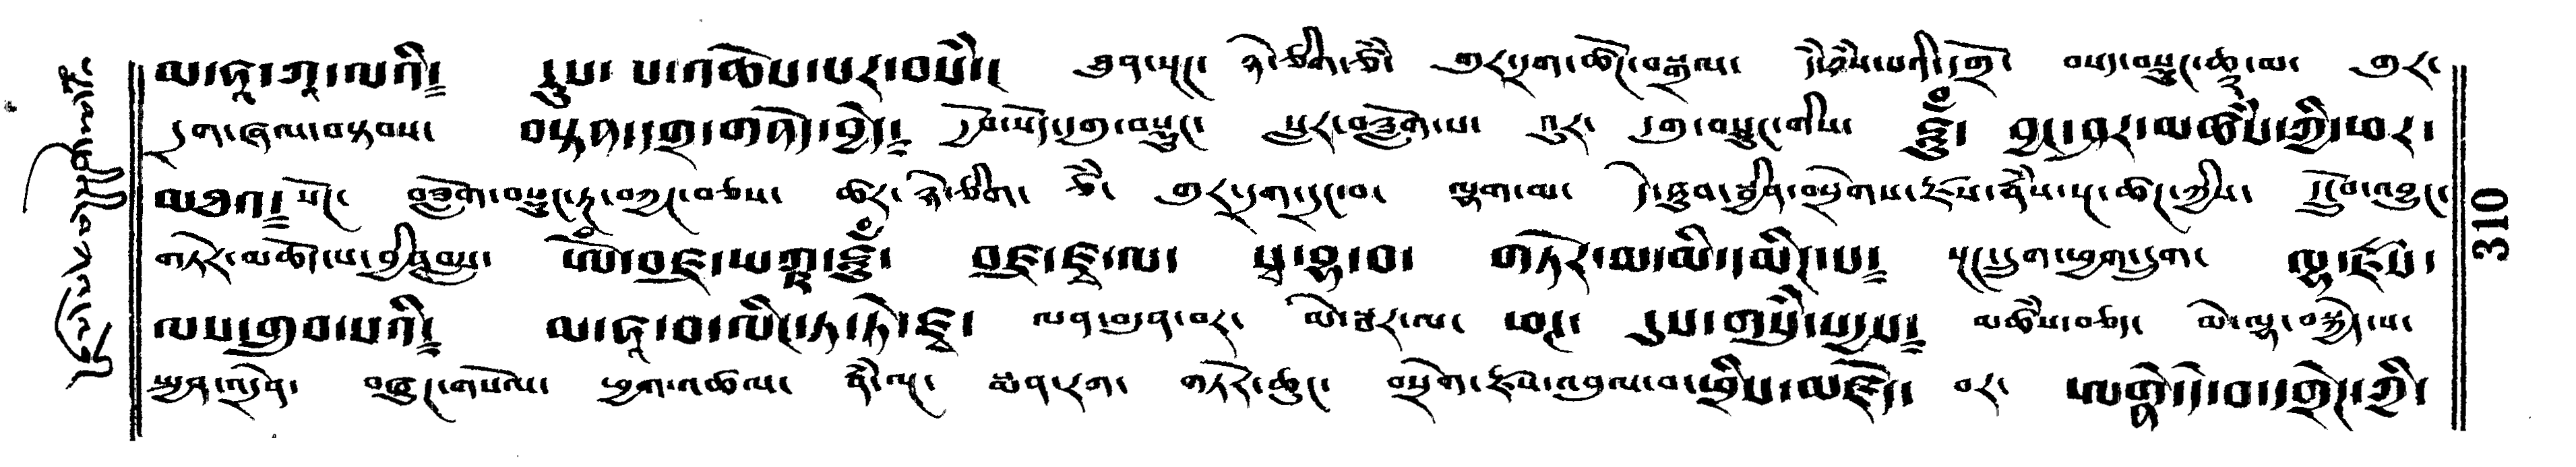མ་ཧཱ་ཀཱ་ལའི༴ རུས་པ་འཆོས་པར་བསམ། ཐུན་སྔགས། ཉེར་གཅིག་ཙམ། གུར་དྲག་ཚོགས་བསྒྲལ། དམ་ཉམས་པའི་དགྲ་བོ༴ བསད་རྡུང་ཆ་གཉིས་མ། གུར་
དྲག་ཞལ་བསྟབ། བསྟན་དགྲ་གནོད་བྱེད༴ རྒྱོབ་སོད་དགུ་རྡུང་། སླར་བཟློག་པ། འུར་དགུ་རྡུང་གིས། ཧཱུྃ། བྱང་ཤར་མཚམས་ཀྱི་ཕར་
མཐའ༴ སོགས། བཟློག་རྡུང་རྔ་བཀྱགས་བཅས། ཚར་ཉེར་གཅིག ཙམ། གུར་དྲག་དྲང་བ། ལྷག་མ། དོ་ནུབ་སྦྱིན་སྲེག་རྫས་རྣམས་སྔ་ཚགས་ཀྱིས། དངོས་གྲུབ་འབྱུང་
གཏེར་གྱི་མཆོད་པ་བྱིན་རླབས། ཨོཾ་བཛྲ་ཡཀྵ་ཧཱུྃ། བཛྲ་ཛྭ་ལ་སྭ་བྷ་བ། གཏོར་མ་མི་དམིགས་པ༴ སྔགས་དྲུག་ཕྱག་དྲུག ལྷ་རྫས་
ལས་གྲུབ་པའི༴ མ་ཧཱ་བ་ལིངྟ་ཏེ་ཛྭ༴ ལན་བདུན་བར། མེ་སྦར་ལ། ཕཊཿ དུས་གསུམ་སངས་རྒྱས༴ མཚམས་བཅད། མེ་ལྷ་བསྐྱེད་པ། 
སྤྱན་འདྲེན། བཞུགས་གསོལ། ཕྱག་འཚལ། རྣམ་ལྔ། སྨན་རག གཏོར་ཆུང་། བསྲེག་རྫས་འབུལ་བ། ཕྲིན་ལས་མཛོད། བར། ཨགྣེ་དེ་ཝ་དགྲ་བགེགས་ཀྱི་